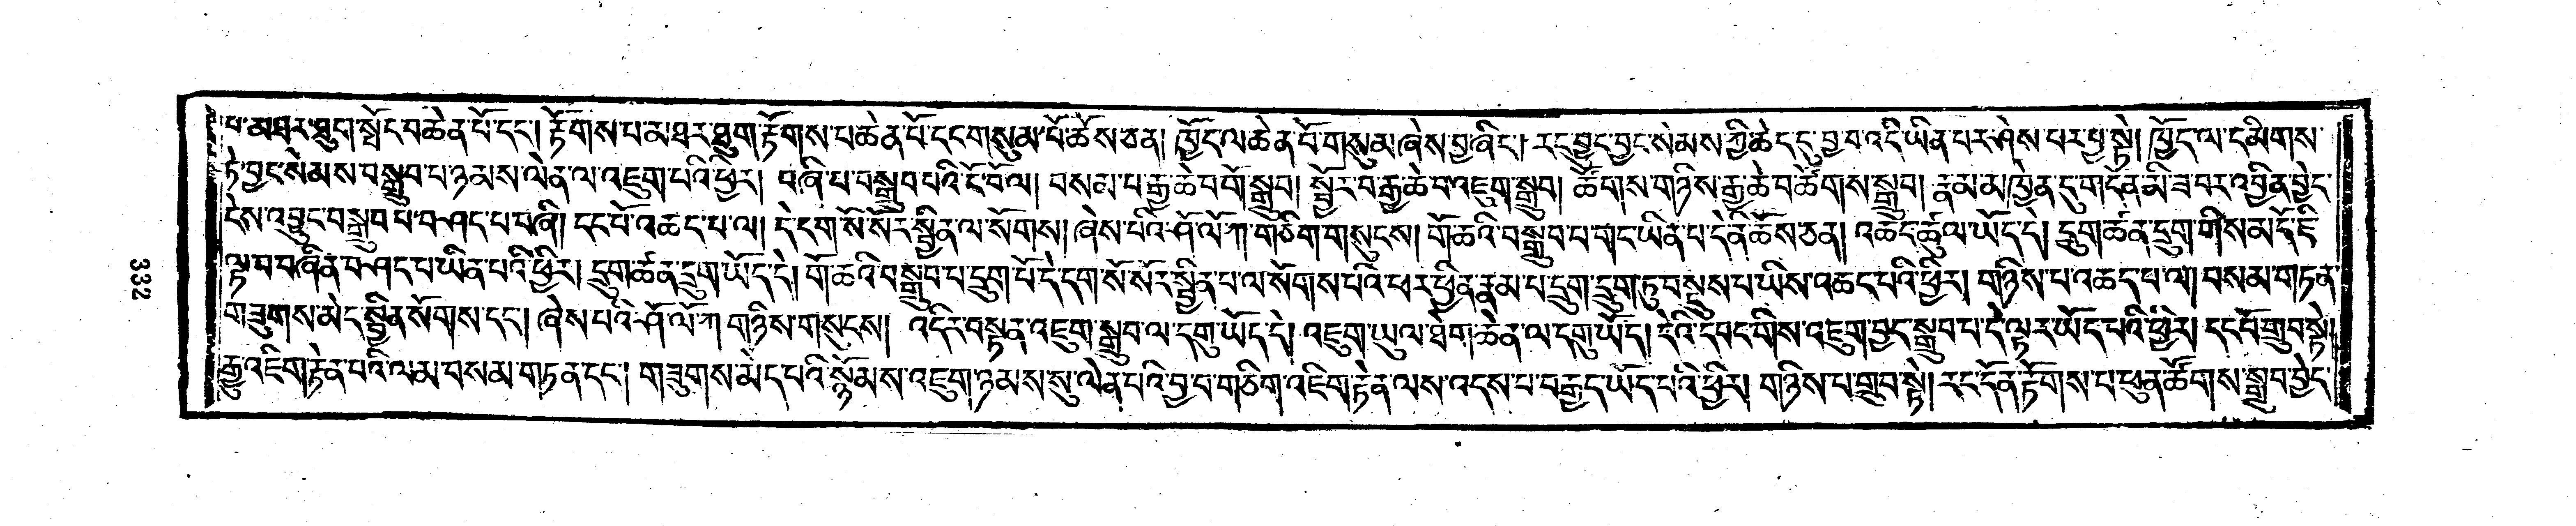པ་མཐར་ཐུག་སྤོང་བ་ཆེན་པོ་དང་། རྟོགས་པ་མཐར་ཐུག་རྟོགས་པ་ཆེན་པོ་དང་གསུམ་པོ་ཆོས་ཅན། ཁྱོད་ལ་ཆེན་པོ་གསུམ་ཞེས་བྱ་ཞིང་། རང་བྱུང་བྱང་སེམས་ཀྱི་ཆེད་དུ་བྱ་བ་འདི་ཡིན་པར་ཤེས་པར་བྱ་སྟེ། ཁྱོད་ལ་དམིགས་
ཏེ་བྱང་སེམས་བསྒྲུབ་པ་ཉམས་ལེན་ལ་འཇུག་པའི་ཕྱིར། བཞི་པ་བསྒྲུབ་པའི་ངོ་བོ་ལ། བསམ་པ་རྒྱ་ཆེ་བ་གོ་སྒྲུབ། སྦྱོར་བ་རྒྱ་ཆེ་བ་འཇུག་སྒྲུབ། ཚོགས་གཉིས་རྒྱ་ཆེ་བ་ཚོགས་སྒྲུབ། རྣམ་མཁྱེན་དུ་གདོན་མི་ཟ་བར་འབྱིན་བྱེད་
ངེས་འབྱུང་བསྒྲུབ་པ་བཤད་པ་བཞི། དང་པོ་འཆད་པ་ལ། དེ་དག་སོ་སོར་སྦྱིན་ལ་སོགས། ཞེས་པའི་ཤོ་ལོ་ཀ་གཅིག་གསུངས། གོ་ཆའི་བསྒྲུབ་པ་གང་ཡིན་པ་དེ་ནི་ཆོས་ཅན། འཆད་ཚུལ་ཡོད་དེ། དྲུག་ཚན་དྲུག་གིས་མདོ་ཇི་
ལྟ་བ་བཞིན་བཤད་པ་ཡིན་པའི་ཕྱིར། དྲུག་ཚན་དྲུག་ཡོད་དེ། གོ་ཆའི་བསྒྲུབ་པ་དྲུག་པོ་དེ་དག་སོ་སོར་སྦྱིན་པ་ལ་སོགས་པའི་ཕར་ཕྱིན་རྣམ་པ་དྲུག་དྲུག་ཏུ་བསྡུས་པ་ཡིས་འཆད་པའི་ཕྱིར། གཉིས་པ་འཆད་པ་ལ། བསམ་གཏན་
གཟུགས་མེད་སྦྱིན་སོགས་དང་། ཞེས་པའི་ཤོ་ལོ་ཀ་གཉིས་གསུངས། འདིར་བསྟན་འཇུག་སྒྲུབ་ལ་དགུ་ཡོད་དེ། འཇུག་ཡུལ་ཐེག་ཆེན་ལ་དགུ་ཡོད། དེའི་དབང་གིས་འཇུག་བྱེད་སྒྲུབ་པ་དེ་ལྟར་ཡོད་པའི་ཕྱིར། དང་པོ་གྲུབ་སྟེ།
རྒྱུ་འཇིག་རྟེན་པའི་ལམ་བསམ་གཏན་དང་། གཟུགས་མེད་པའི་སྙོམས་འཇུག་ཉམས་སུ་ལེན་པའི་བྱ་བ་གཅིག་འཇིག་རྟེན་ལས་འདས་པ་བརྒྱད་ཡོད་པའི་ཕྱིར། གཉིས་པ་གྲུབ་སྟེ། རང་དོན་རྟོགས་པ་ཕུན་ཚོགས་སྒྲུབ་བྱེད་